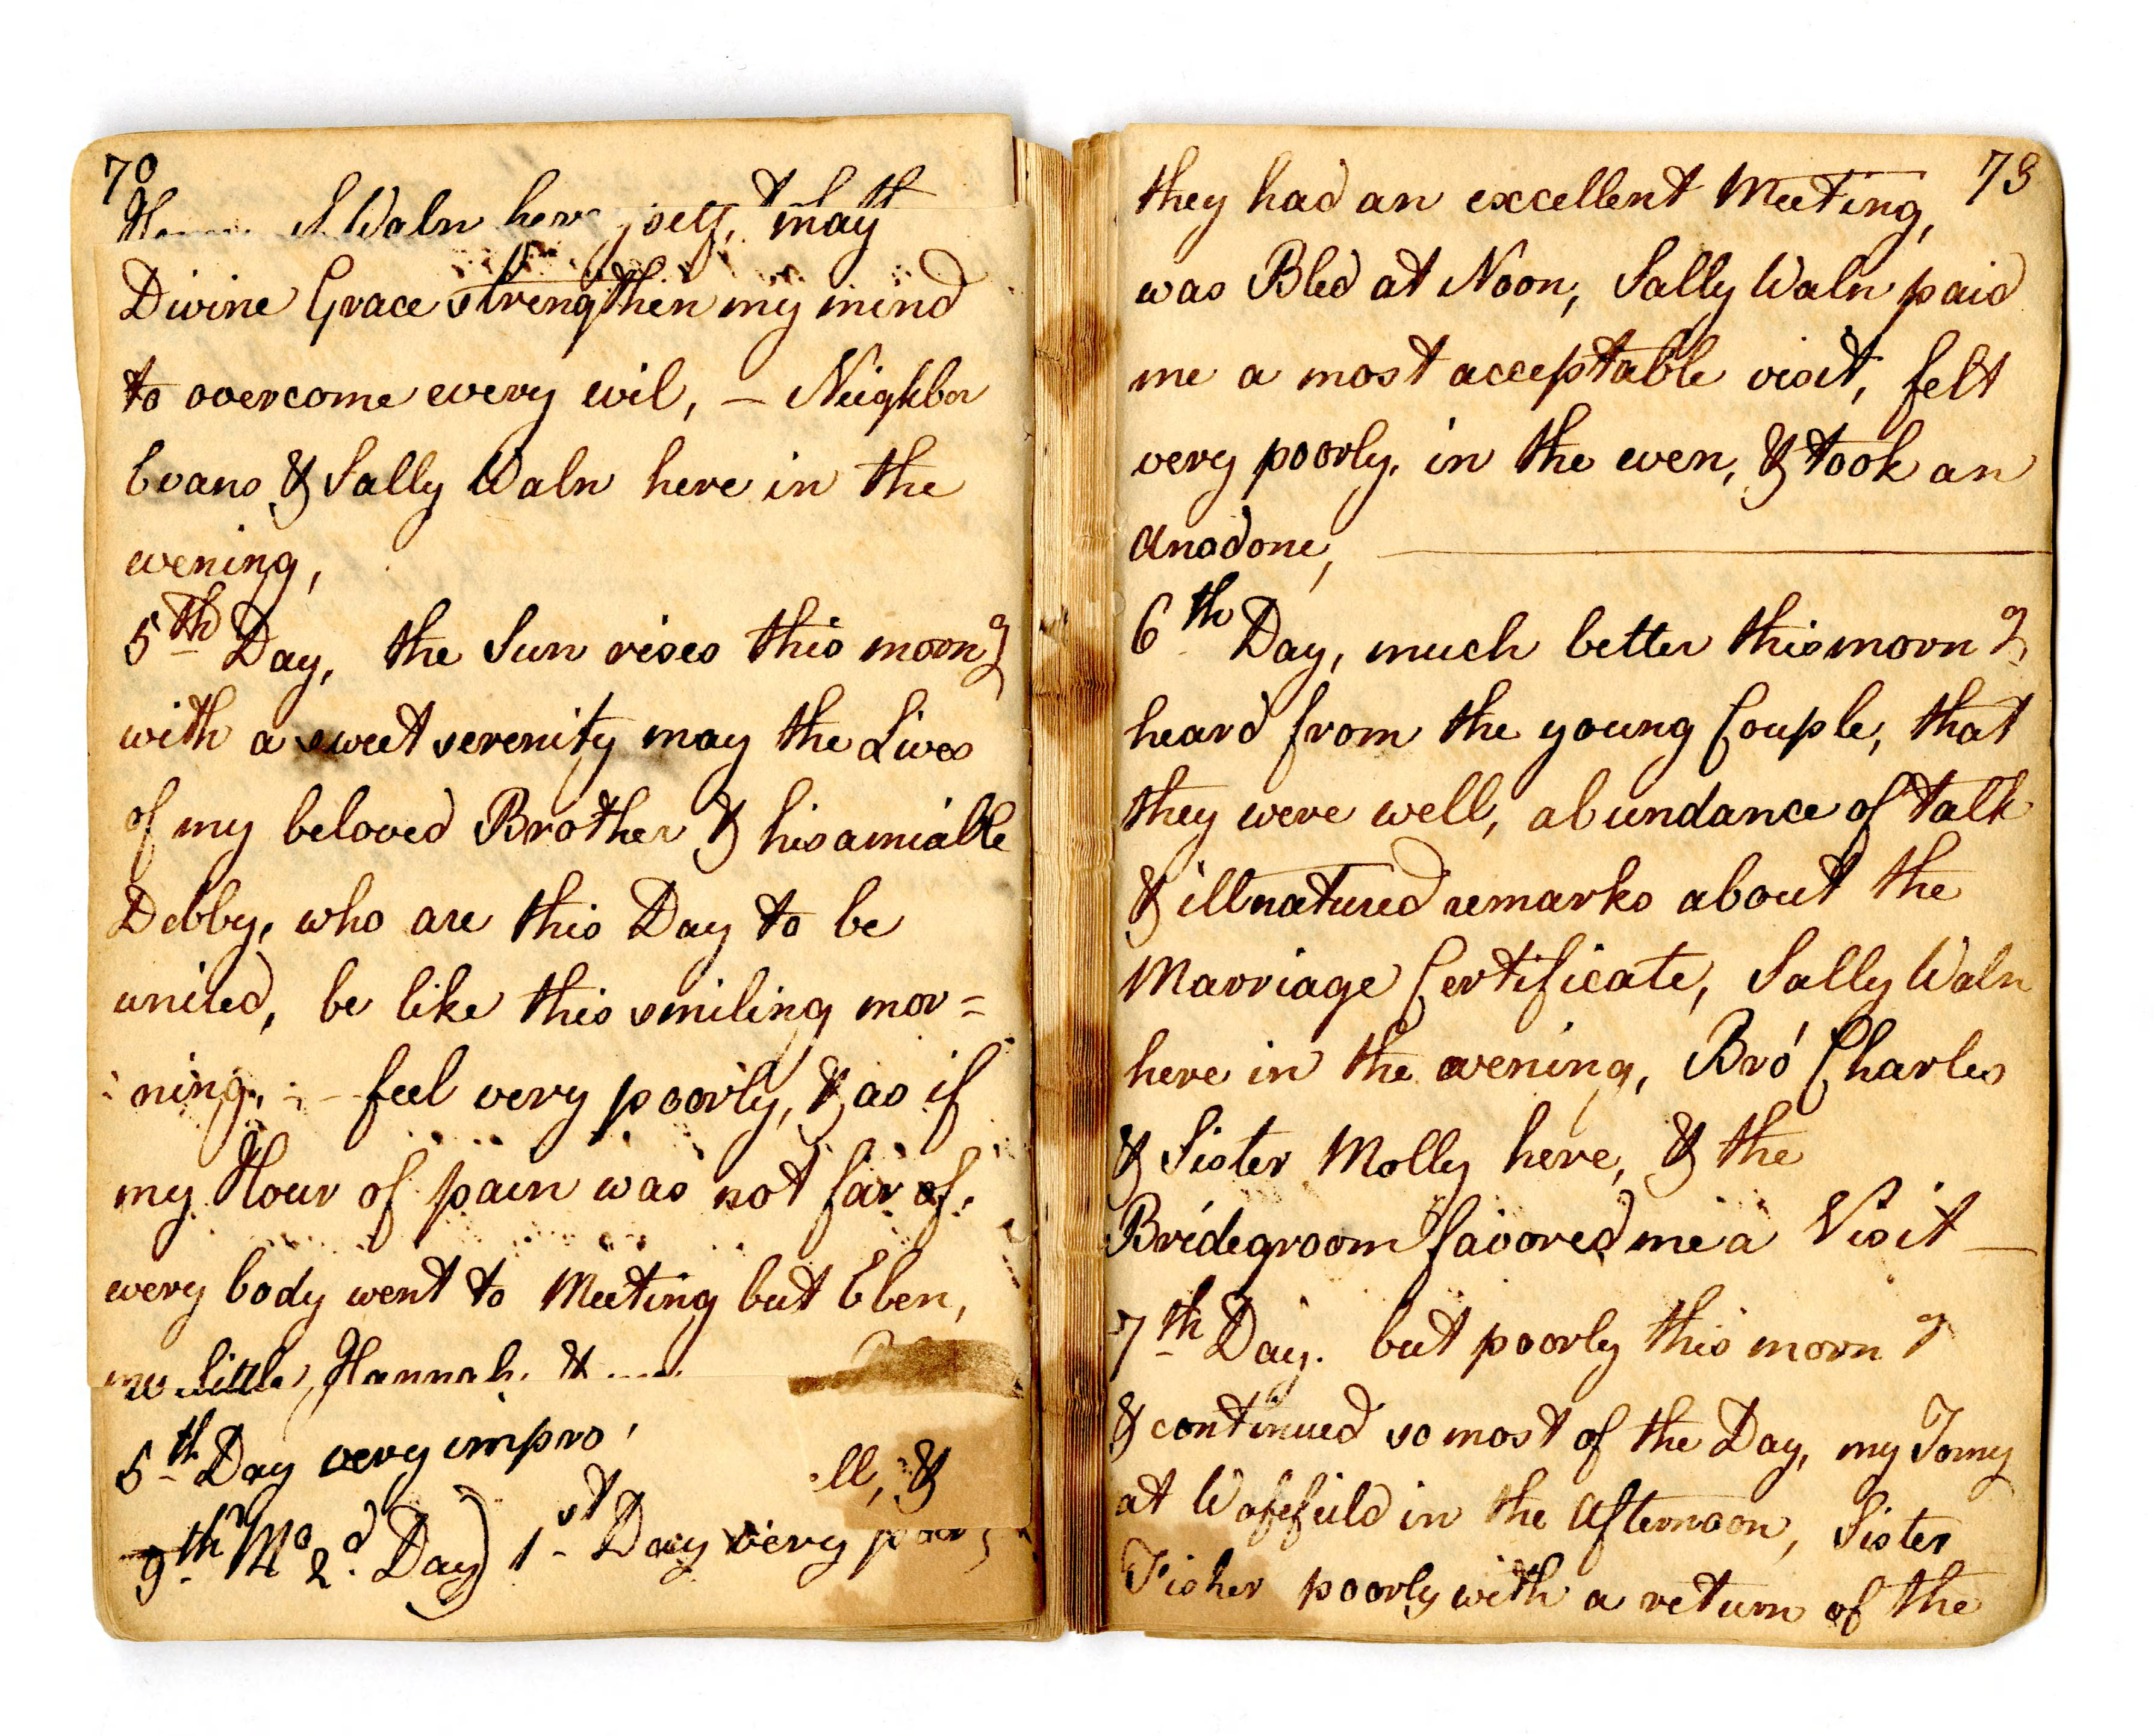yself, may
Divine Grace strengthen my mind
to overcome every evil,- Neighbor
Evans & Sally Waln here in the
evening,
5^th Day, the Sun rises this morn^g
with a sweet serenity may the Lives
of my beloved Brother & his amiable
Debby, who are this Day to be
united, be like smiling mor-
-ning, feel very poorly & has if
my Hour of pain was not far of
every body went to Meeting but Eben,
my little Hannah & [my]
ell, &
they had an excellent Meeting,
was Bled at Noon, Sally Waln paid
me a most acceptable visit, felt
very poorly, in the even, & took an
Anodone
6^th Day, much better this morn^g
heard from the young Couple, that
they were well, abundance of talk
& illnatured remarks about the
Marriage Certificate, Sally Waln
here in the evening, Bro' Charles
& Sister Molly here, & the
Bridegroom favored me a Visit
7^th Day. but poorly this morn^g
& continued so most of the Day, my Tomy
at Wafefeild in the Afternoon, Sister
Fisher poorly with a return of the